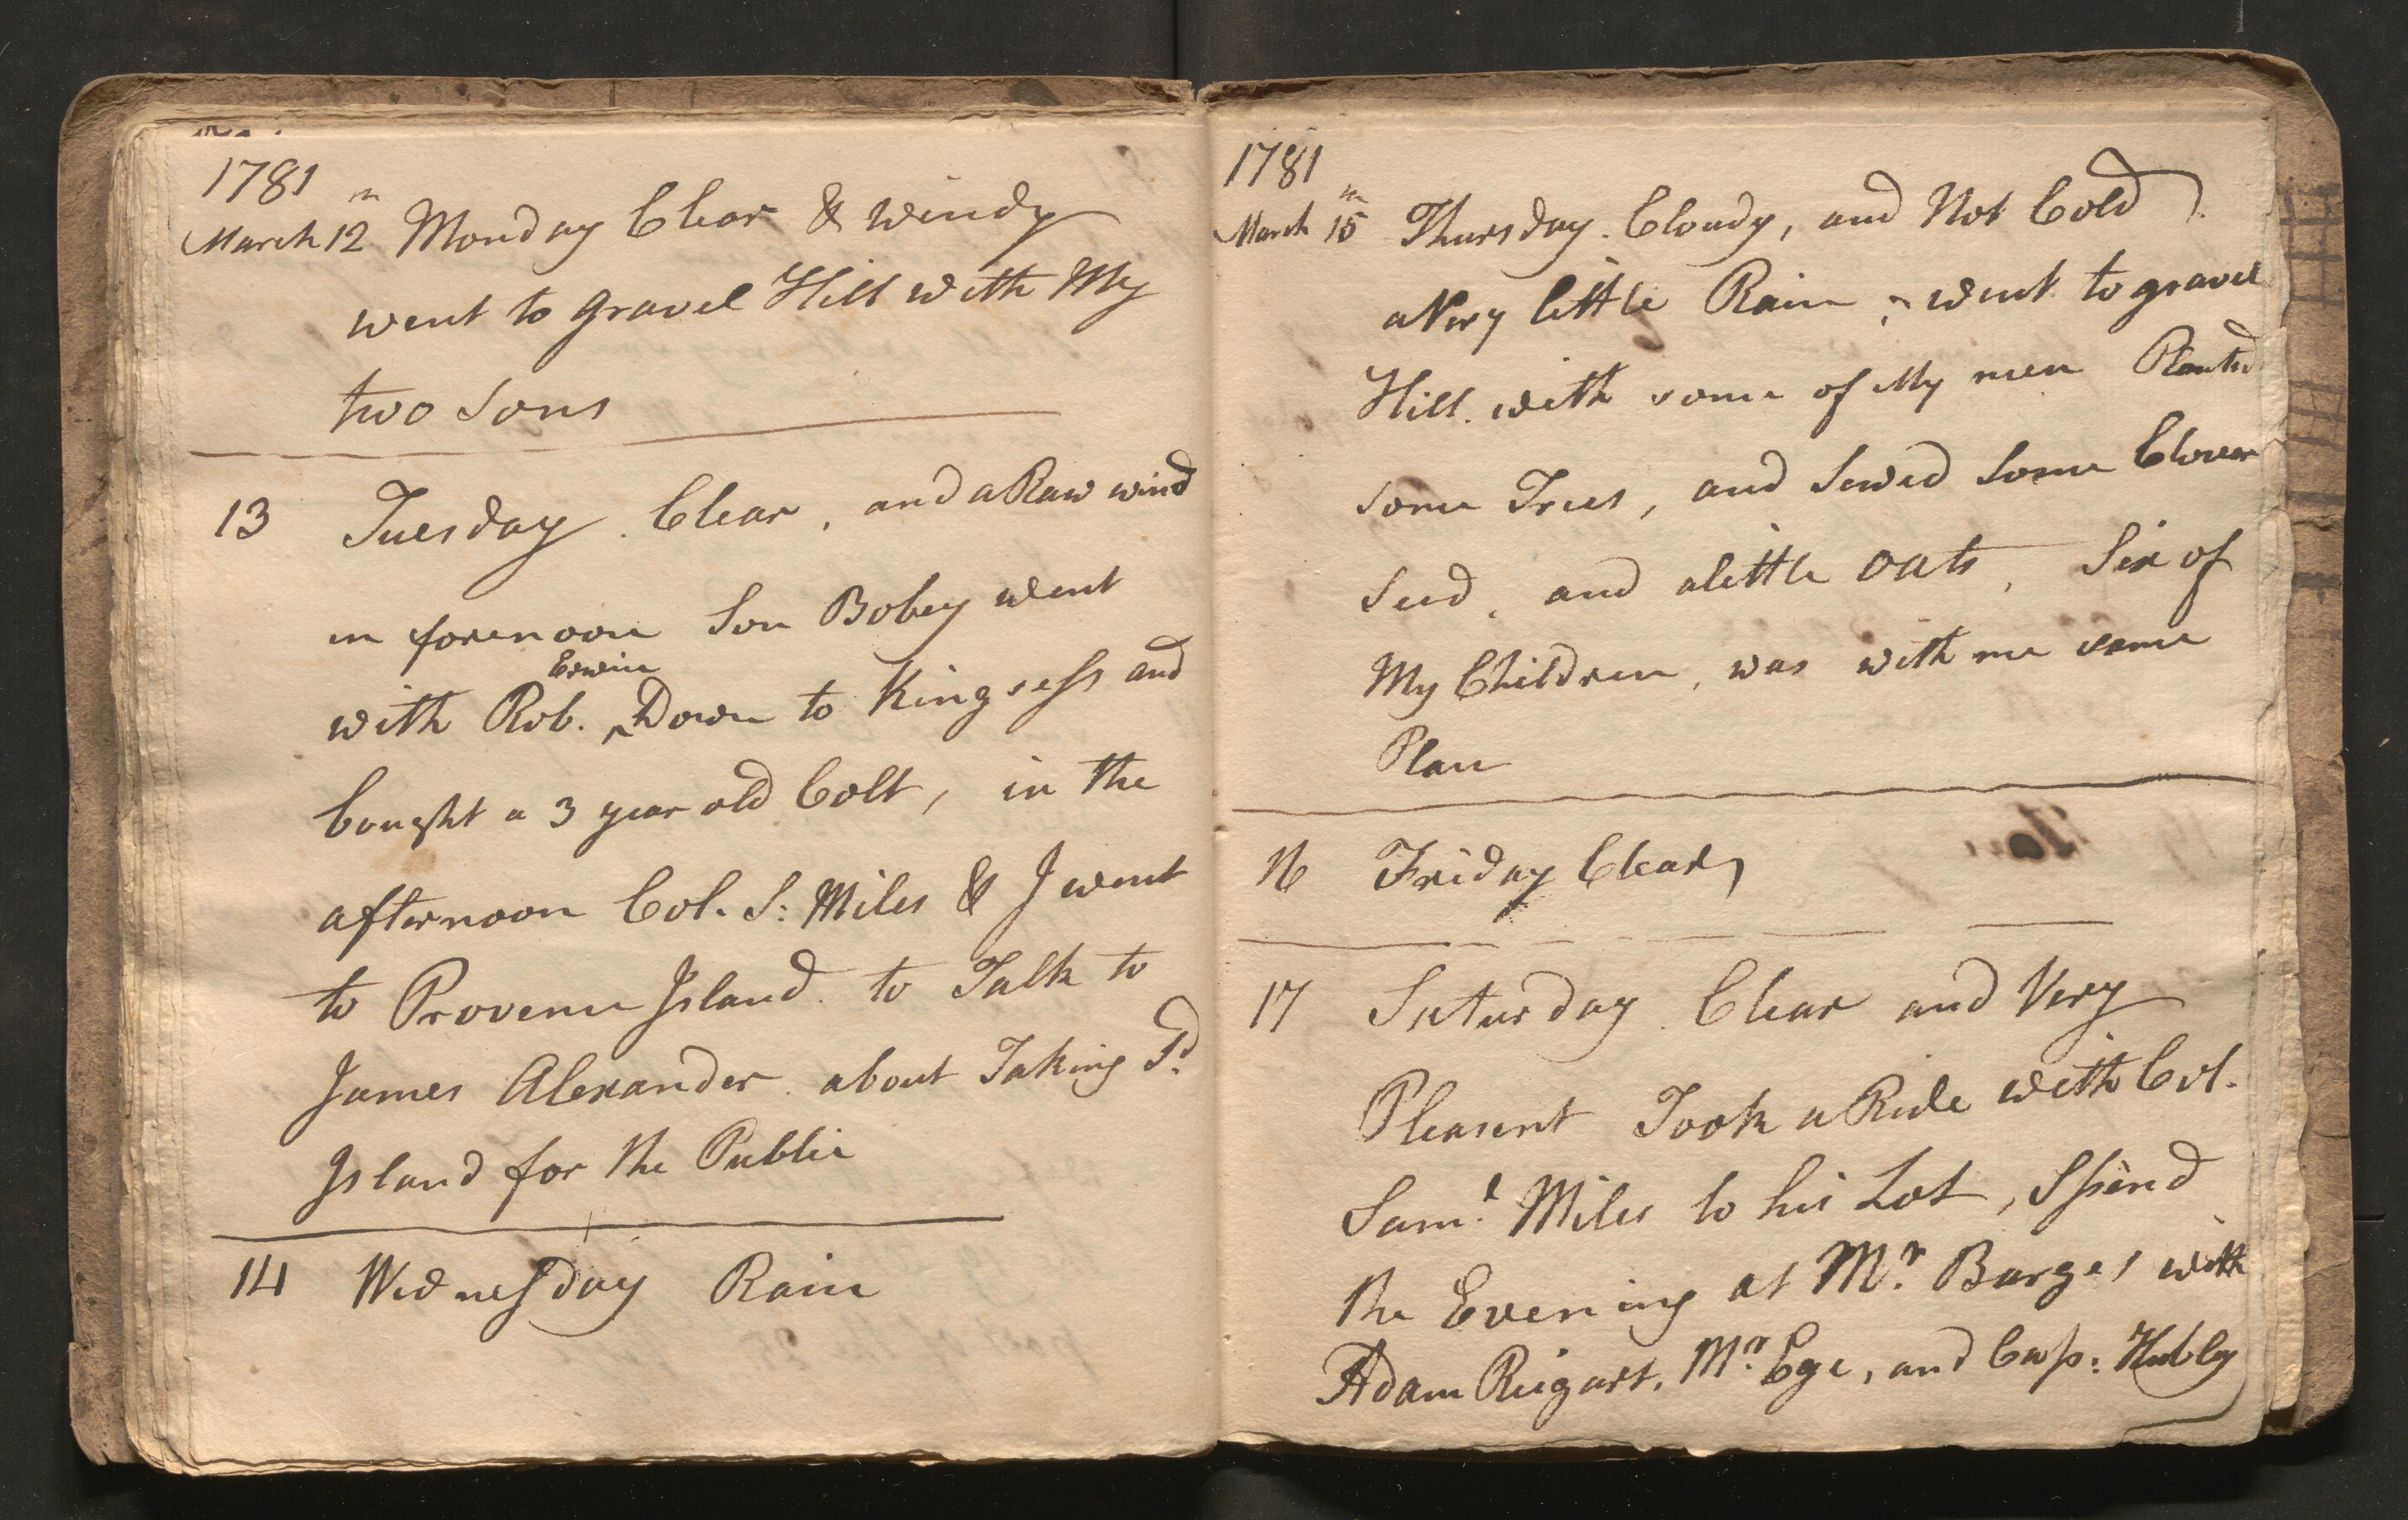1781
March 12^th Monday Clear & windy
went to Gravel Hill with My
two sons
13 Tuesday Clear and a Raw wind
in forenoon Son Bobey went
Erwin
with Rob. ^ Down to Kingsess am
bought a 3 year old Colt, in the
afternoon Col. S: Miles & I went
to Provence Island. to Talk to
James Alexander about Taking s^d.
Island for the Public
14 Wednesday Rain
1781
March 15^th Thurs day. Cloudy, and Not Cold
a Very little Rain- went to gravel
Hill with some of My men Planted
some Trees, and sewed some Clover
seed, and a little oats Six of
My Children, was with me same
Plan
16 Friday Clear
17 Saturday Clear and Very
Pleasent Took a Ride with Col.
Sam^l. Miles to his Lot, Spend
the Evening at M^r. Barges with
Rdam Reigart. M^r. Ege, and Coop. Hubley